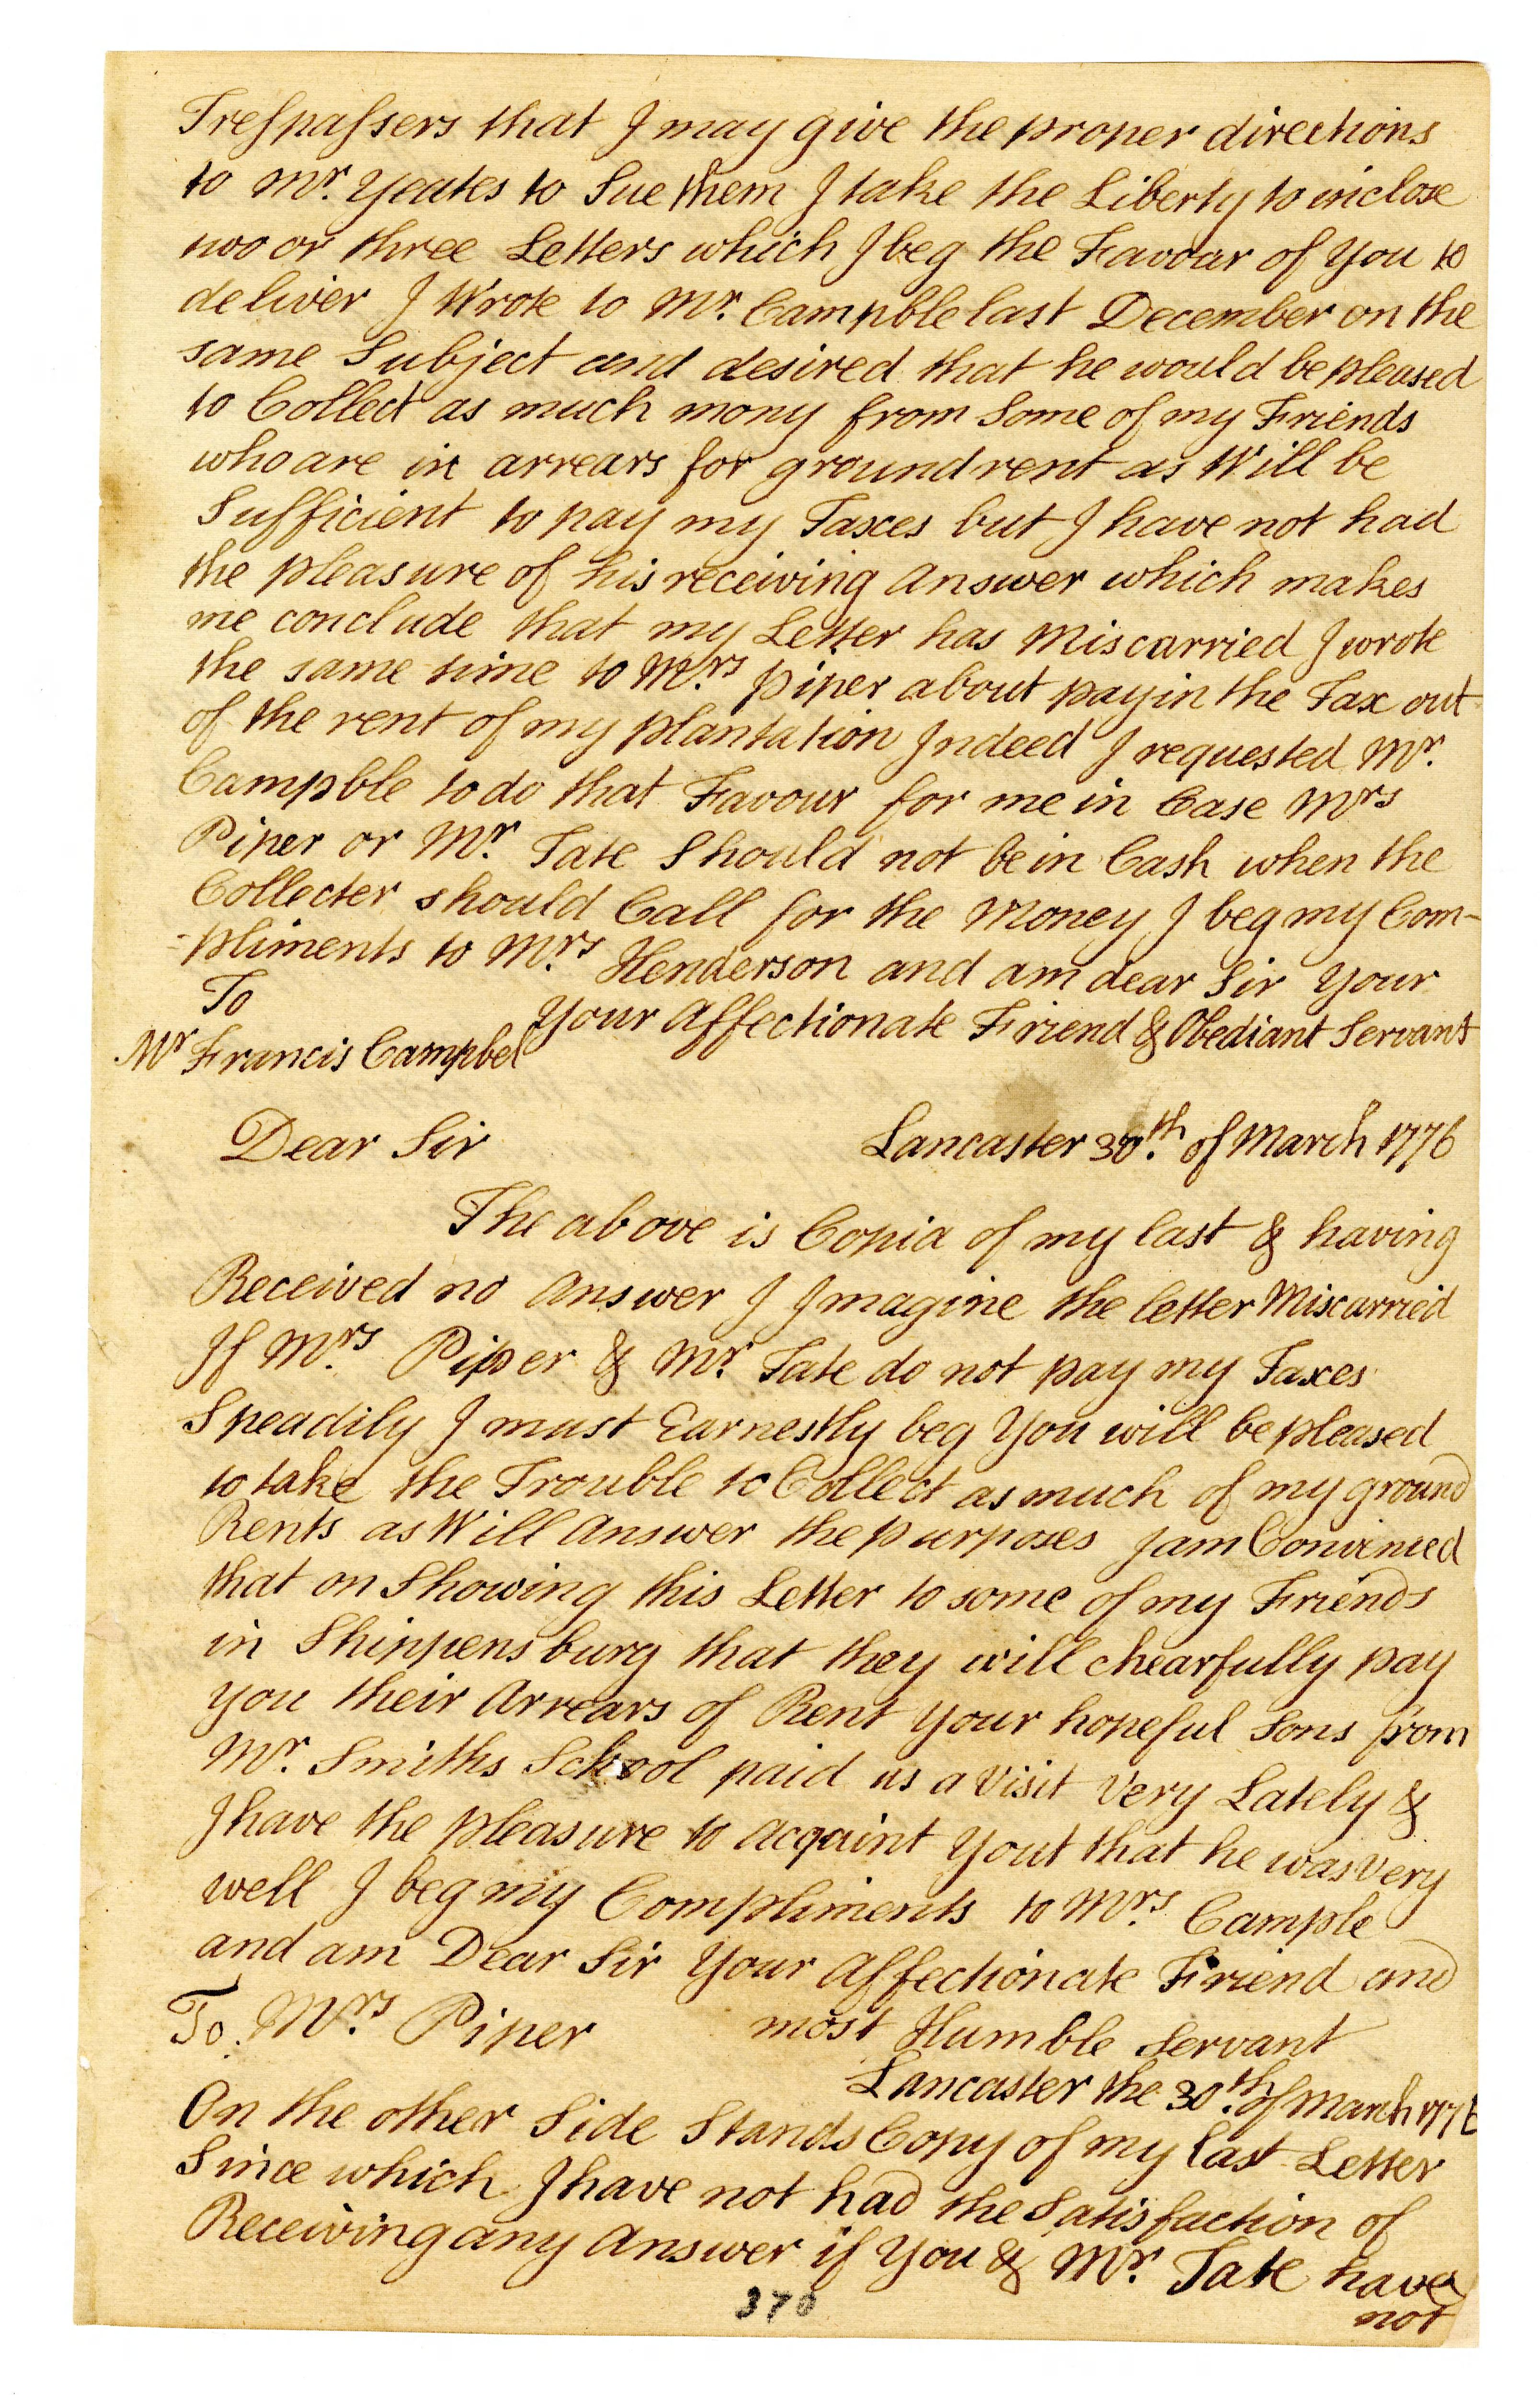Trespassers that I may give the proper directions
to M^r. Yeates to Sue them I take the Liberty to inclose
two or three Letters which I beg the Favour of You to
deliver I wrote to M^r. Campble last December on the
same Subject and desired that he would be pleased
to Collect as much mony from Some of my Friends
who are in arrears for ground rent as Will be
Sufficient to pay my Taxes but I have not had
the pleasure of his receiving Answer which makes
me conclude that my Letter has Miscarried I wrote
the same time to M^rs. Piper about payin the Tax out
of the rent of my plantation Indeed I requested M^r.
Campble to do that Favour for me in Case M^rs
Piper or M^r. Tate Should not be in Cash when the
Collecter should Call for the Money I beg my Com-
-pliments to M^rs. Henderson
and am dear Sir Your
Your Affectionate Friend & Obediant Servant
To
M^r Francis Campbel
Lancaster 30^th. of March 1776
Dear Sir
The above is Copia of my last & having
Received no Answer I Imagine the letter Miscarried
If M^rs. Piper & Mr. Tate do not pay my Taxes
Speadily I must Earnestly beg You will be pleased
to take the Trouble to Collect as much of my ground
Rents as Will Answer the Purposes I am Convinced
that on Showing this Letter to some of my Friends
in Shippensburg that they will chearfully pay
you their Arrears of Rent Your hopeful Sons from
M^r. Smiths School paid us a Visit Very Lately &
I have the pleasure to acqaint You that he was Very
well I beg my Compliments to M^rs. Cample
and am Dear Sir Your Affectionate Friend and
most Humble Servant
Lancaster the 30^th. of March 1776
To M^rs. Piper
On the other Side Stands Copy of my last Letter
Since which I have not had the Satisfaction of
Receiving any Answer if You & M^r. Tate have
not